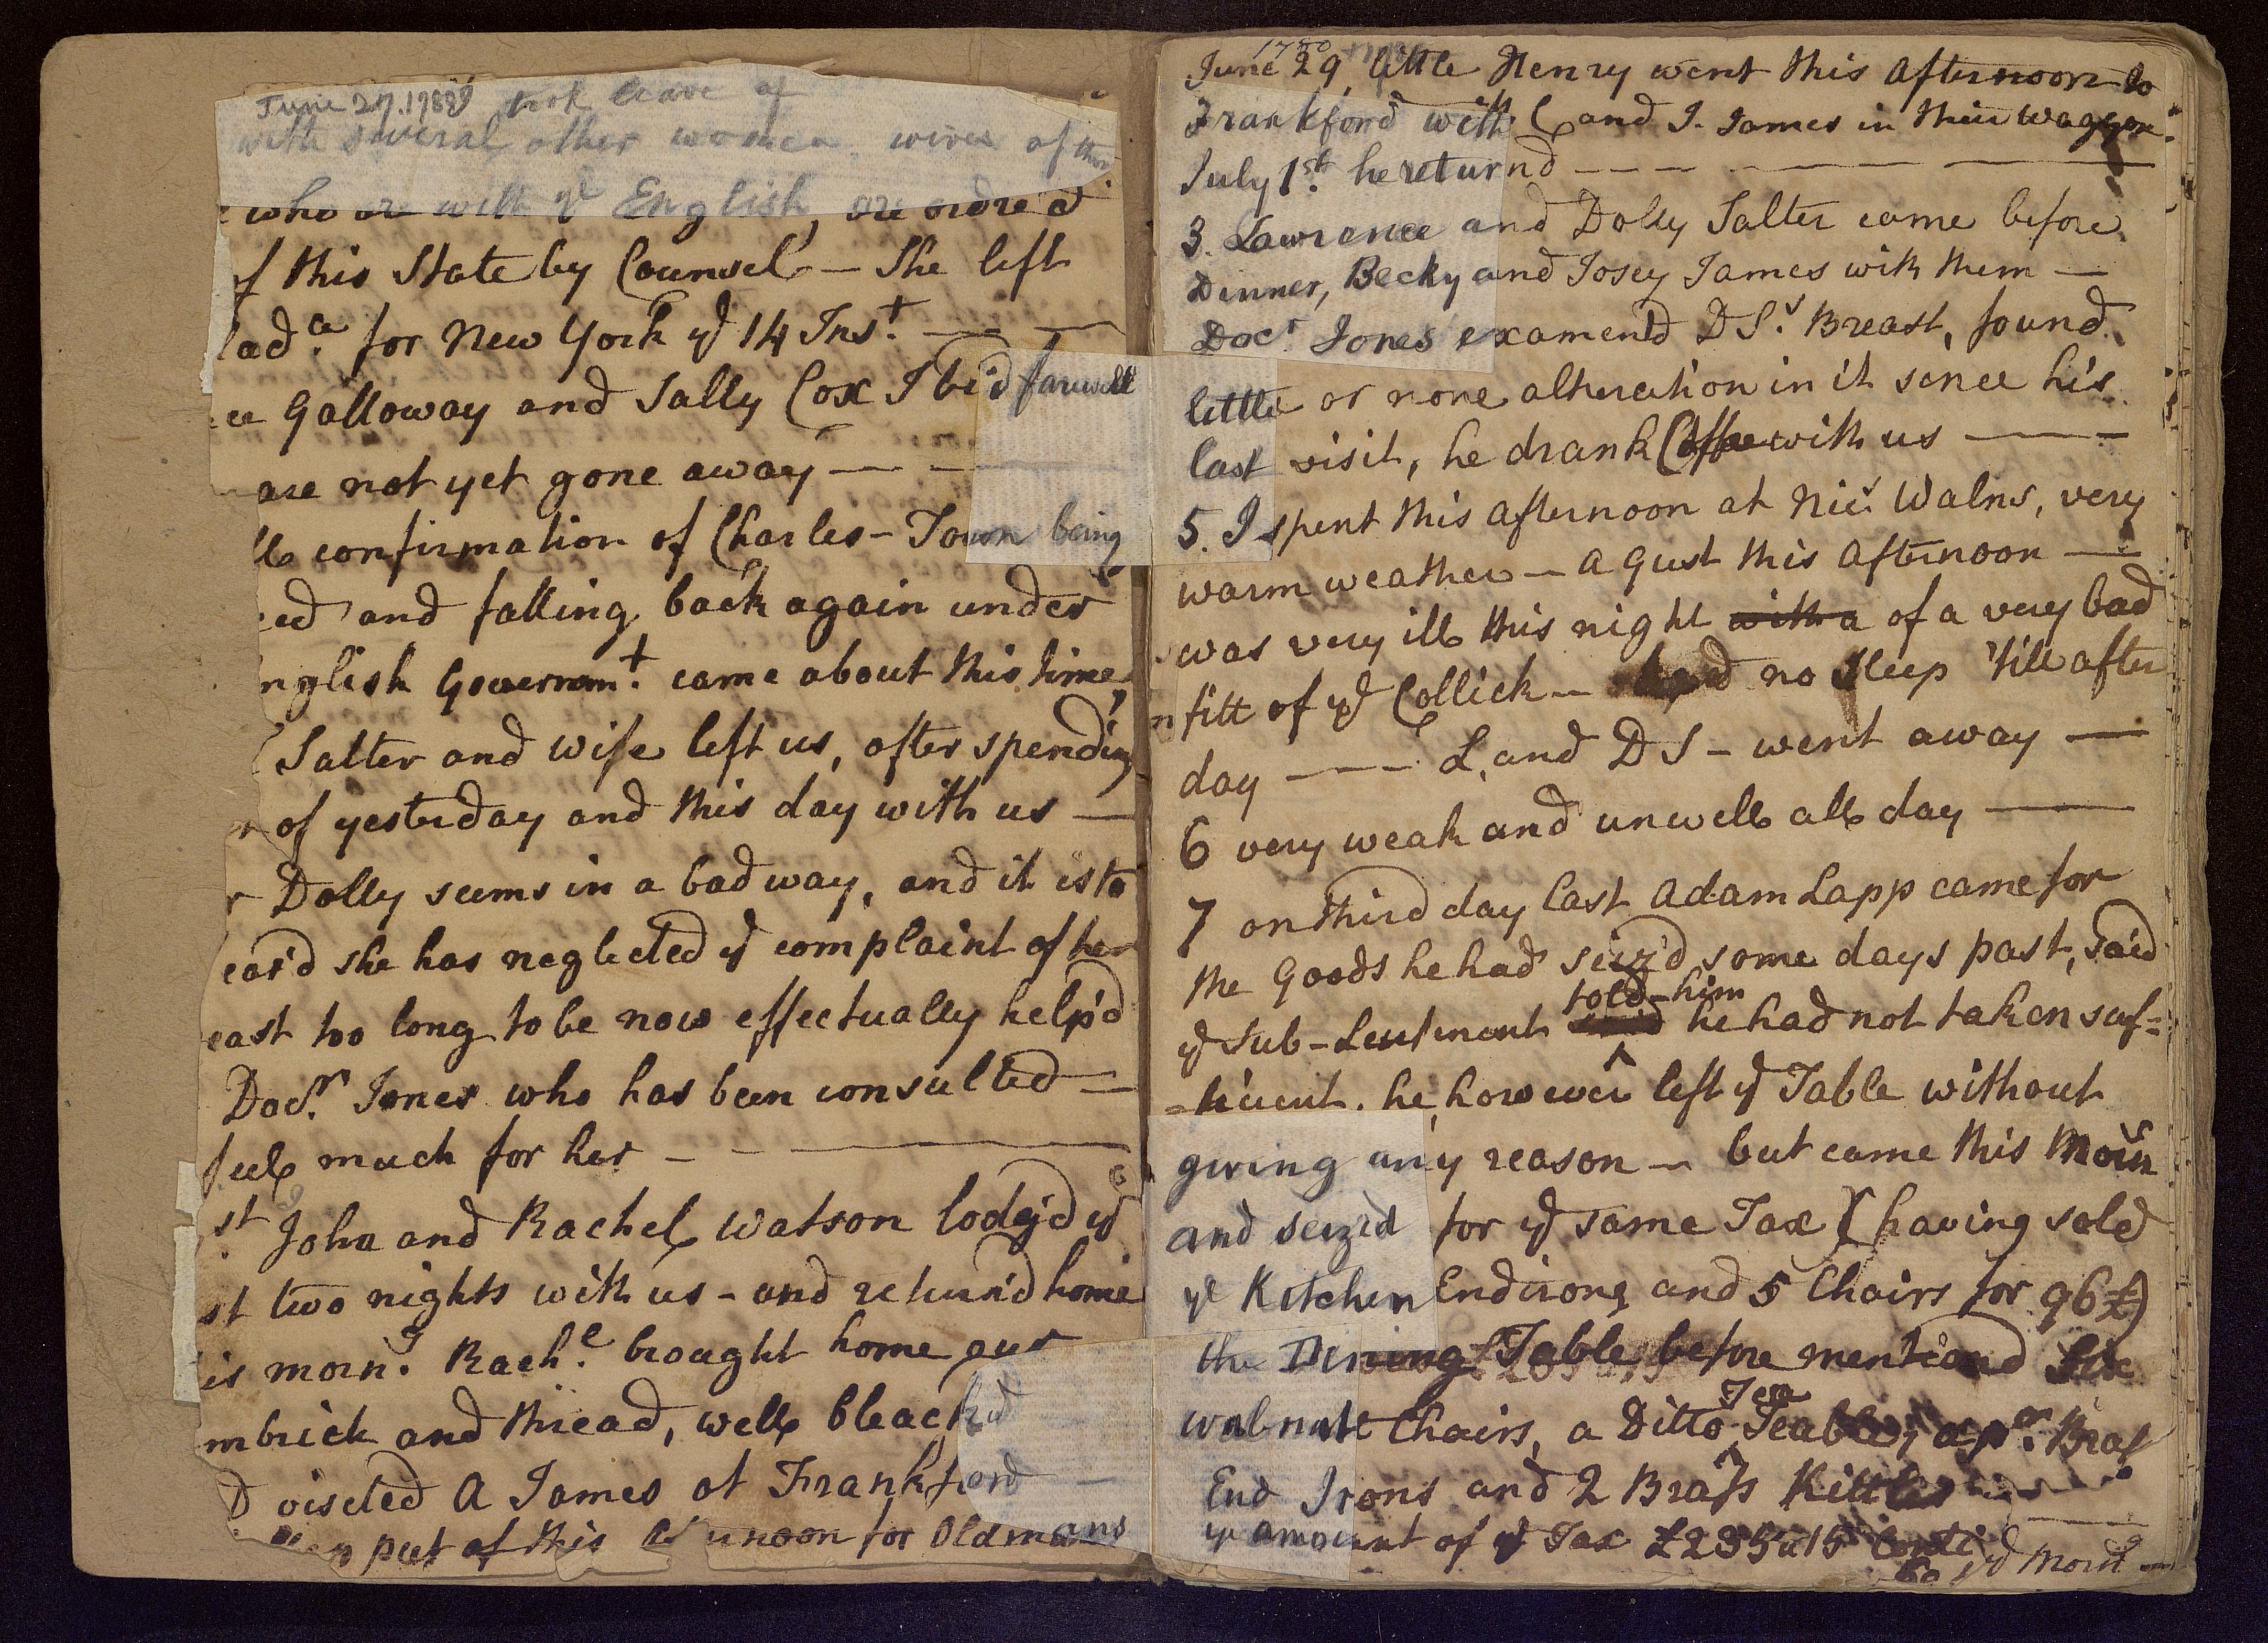June 27 1789 took leave of
with several other women wives of thor
who are with y^e English, are ordre'd
of this State by Counsel- She left
lad.^a for New York y^e 14 Ins^t.-
ce Galloway and Sally Cox I bid farewell
are net yet gone away--
ll confirmation of Charles-Town being
ced and falling back again under
nglish Govermen^t. came about this time
Salter and Wife left us, after spending
of yesterday and this day with us-
-Dolly seems in a bad way, and it is to
cas'd she has neglected y^e complaint of her
cast too long to be now effectually help'd
Doc^r. Jones who has been consulted-
feels much for her-
^st. John and Rachel Watson lodg'd y^e
st two nights with us- and return'd home
is morn^g. Rach^l brought home our
mbrick and thread, well bleackd
D visited a James at Frankford
[_____] put of this Afternoon for old mans
June 29, little Henry went this Afternoon to
Frankford with C and I. James in their waggon
July 1^st. he returnd--- --
3. Lawrence and Dolly Salter came before
Dinner, Becky and Josey James with them-
Doc^r Jones examen'd DS^s. Breast, found.
little or none alteration in it since his
last visit, he drank Coffee with us-
5. I spent this afternoon at Nic.^s Walns, very
warm weather- A Gust this afternoon-
was very ill this night with a of a very bad
[n] fitt of y^e Collick- [stopd] no Sleep till after
day-- L and DS- went away-
6 very weak and unwell all day-
7 on third day Last Adam Lapp came for
the Goods he had seiz'd some days past, said
told- him
y^e sub- Leutenant [___] ^ he had not taken suf-
-ficient, he how ever left y^e Table without
giving any reason- but came this Morn^g
and seized for y^e same Tax (having sale
y^e Kitchen Endirons and 5 Chairs for 96[_])
the Dining Table before mentiond Six
walnutt Chairs, a Ditto ^Tea Table, a p^r Bras
End Irons and 2 Brass Kittles
y^e amount of y^e Tax £235 u 15 Conti
50s